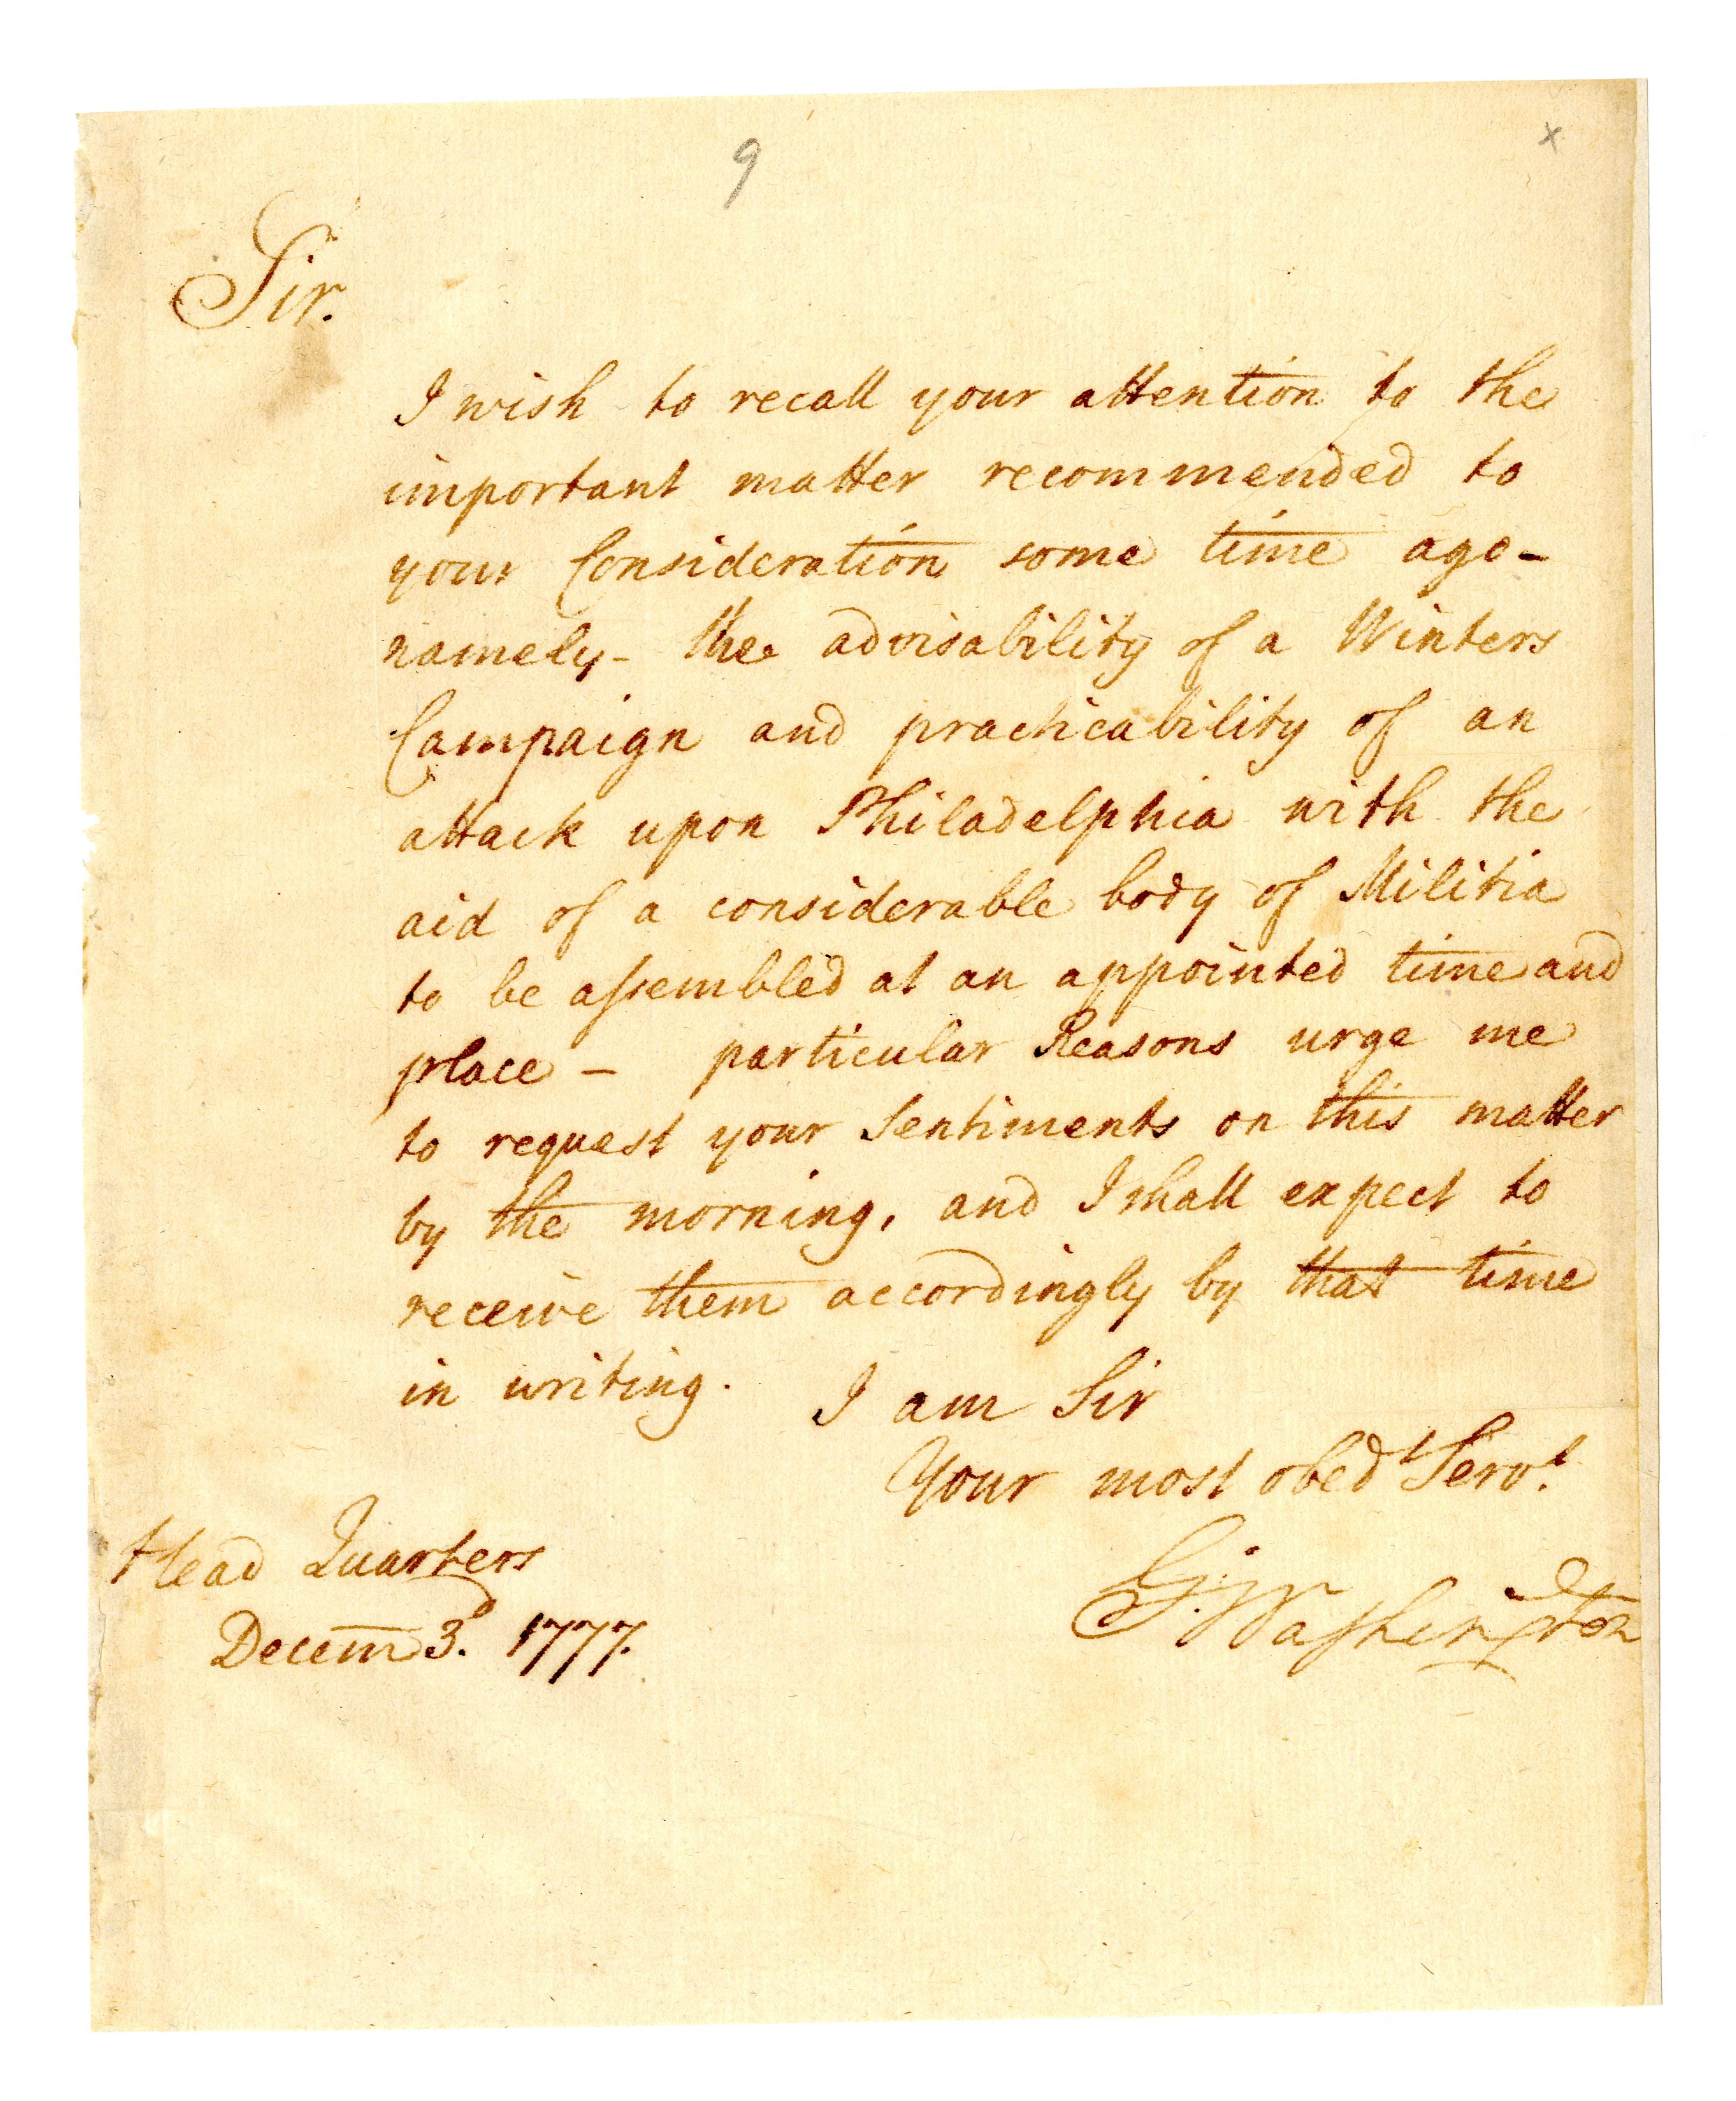Sir
I wish to recall your attention to the
important matter recommended to
your Consideration some time ago-
namely- the advisability of a Winters
Campaign and practicability of an
attack upon Philadelphia with the
aid of a considerable body of Militia
to be assembled at an appointed time and
place- particular Reasons urge me
to request your Sentiments on this matter
by the morning, and I shall expect to
receive them accordingly by that time
in writing.
I am Sir
your most obed^t Serv^t.
G. Washington
Head Quarters
Decem 3^d. 1777.